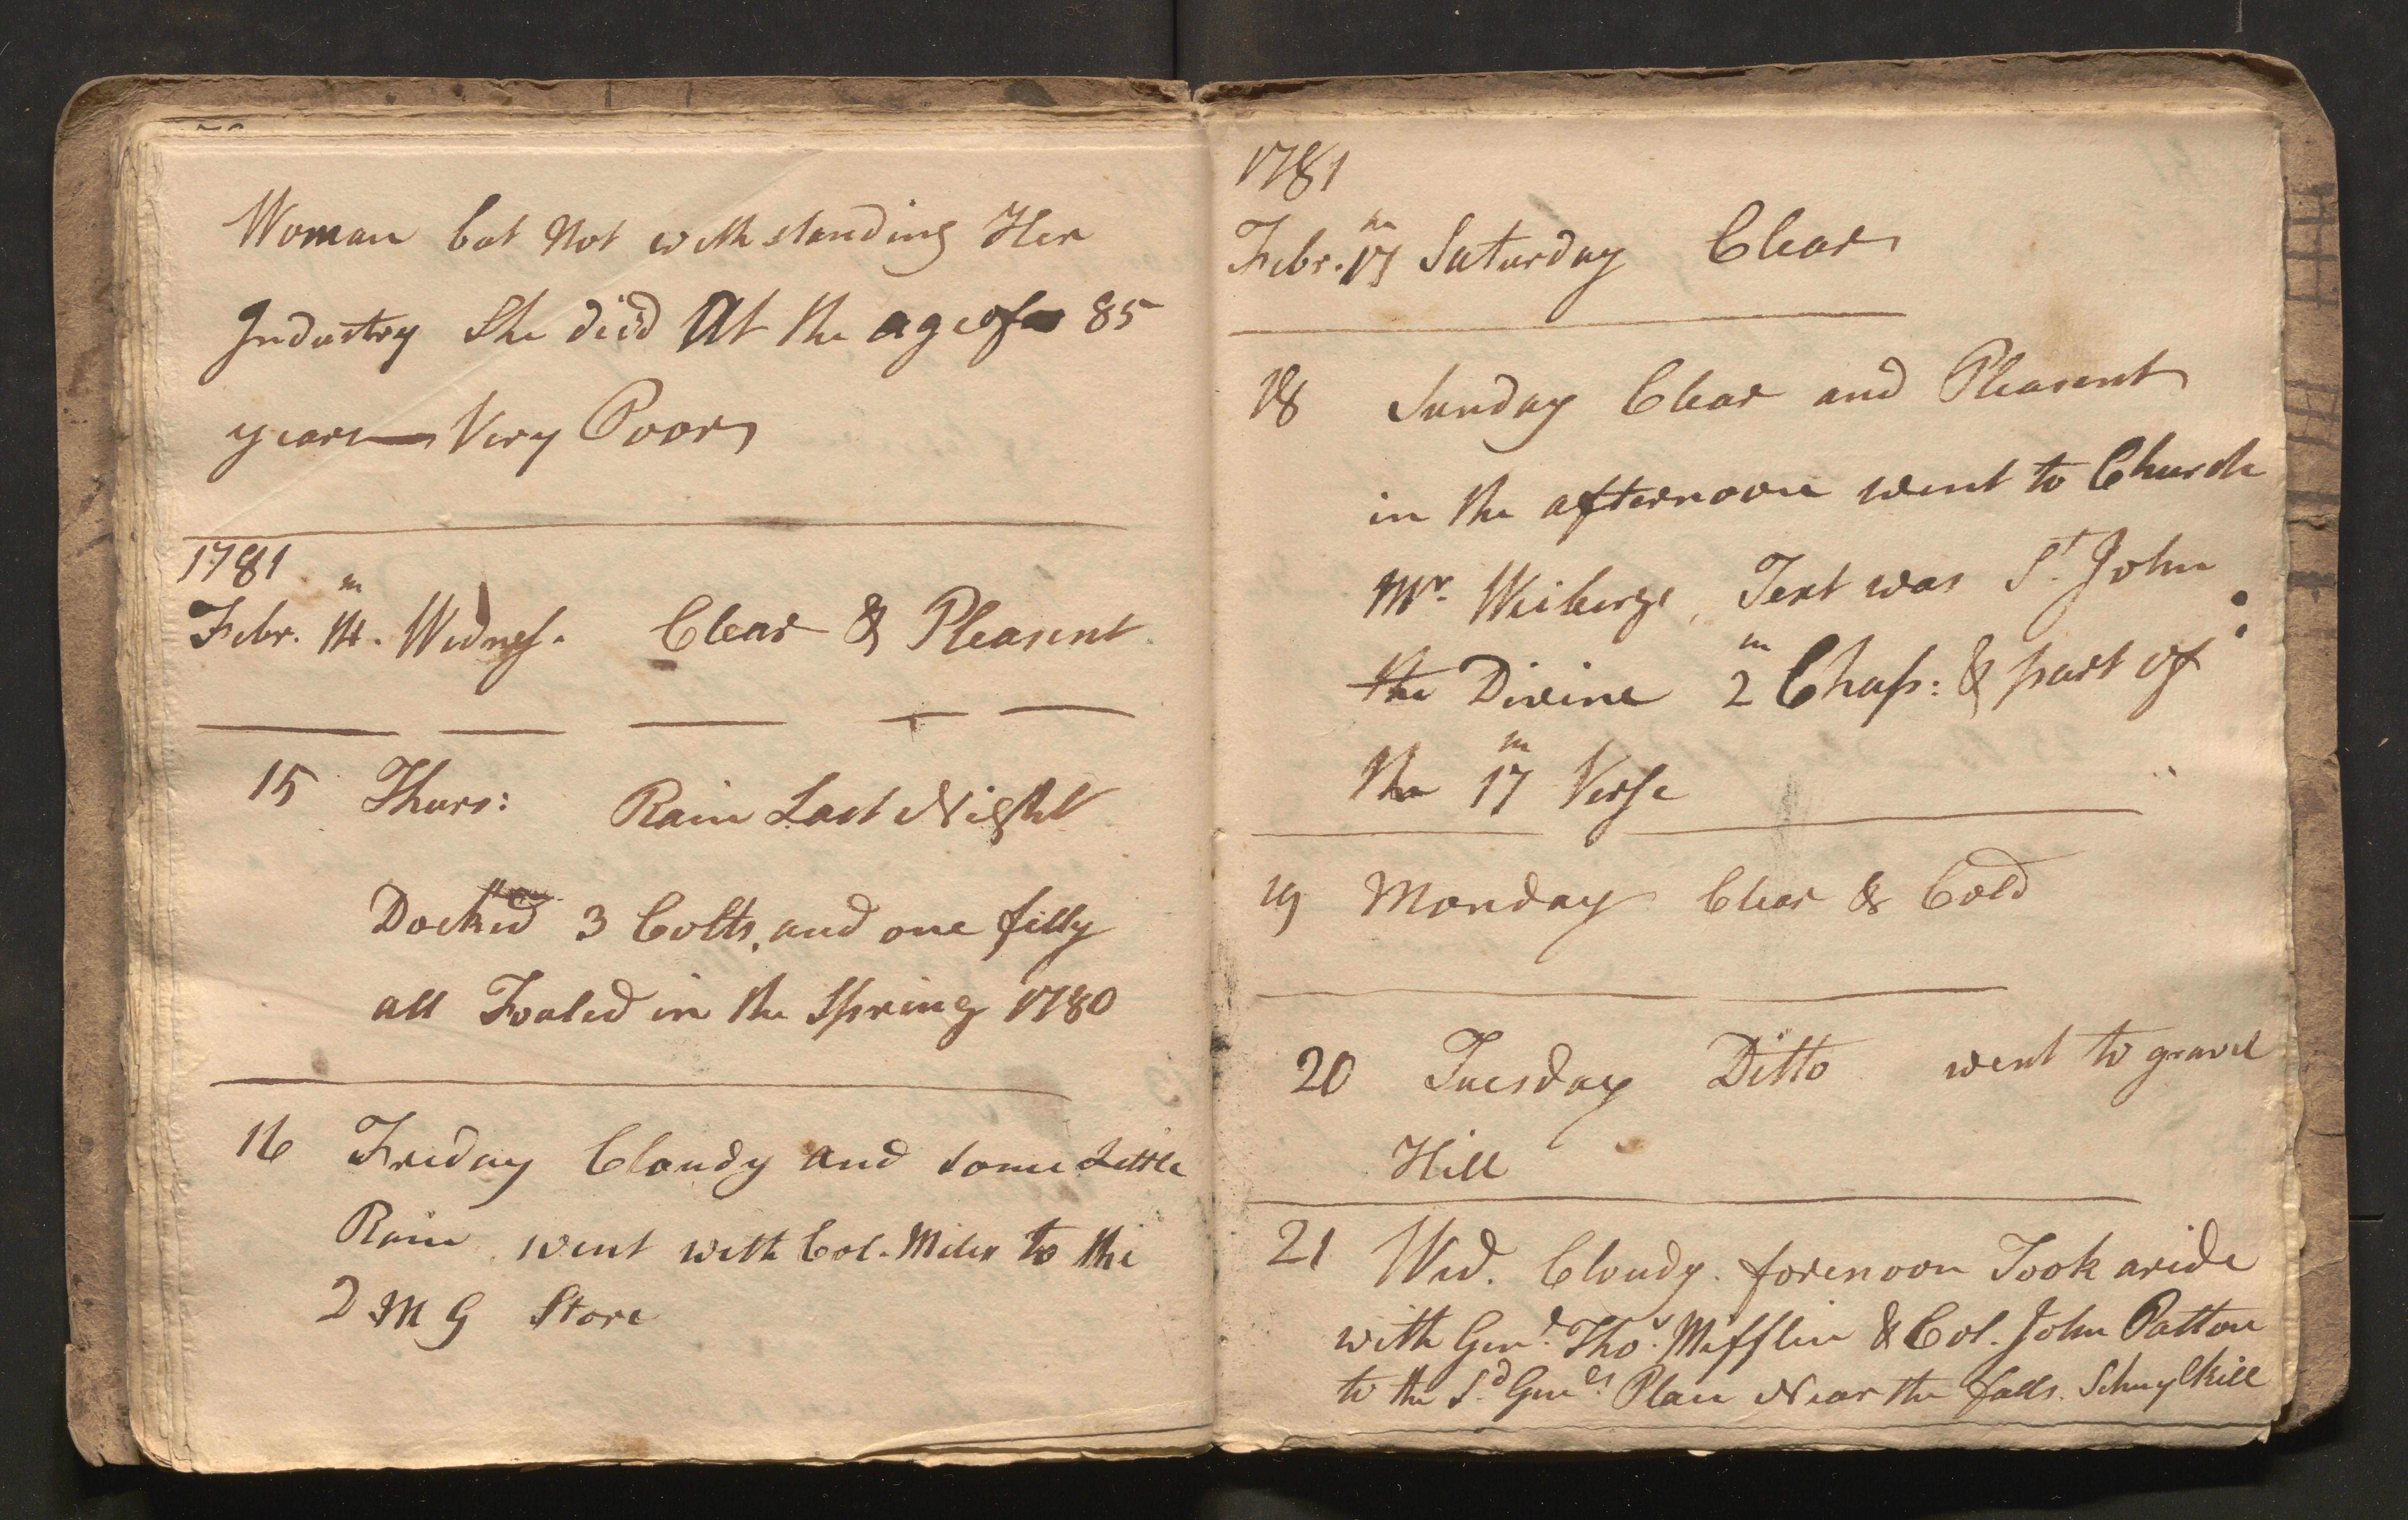Woman bot Not with standing Her
Industry she died At the age of 85
years Very Poor
1781
Febr. 14^th. Wednes. Clear & Pleasent
15 Thurs: Rain Last Night
Docked 3 Colts and one filly
all Foaled in the Spring 1780
16 Friday Cloudy and some Little
Rain went with Col. Miles to the
QMG Store
Febr. 17^th Saturday Clear
1781
18 Sunday Clear and Pleasent
in the afternoon went to Church
M^r. Weibergs Text was S^t. John
the Divine, 2^th Chap: & part of
the 17^th Verse
19 Monday Clear & Cold
20 Tuesday Ditto went to gravel
Hill
21
Wed. Cloudy. forenoon Took a ride
with Gen^l. Tho^s. Mifflin & Col. John Patton
to the s^d. Gen^ls. Plan Near the falls Schuylkill